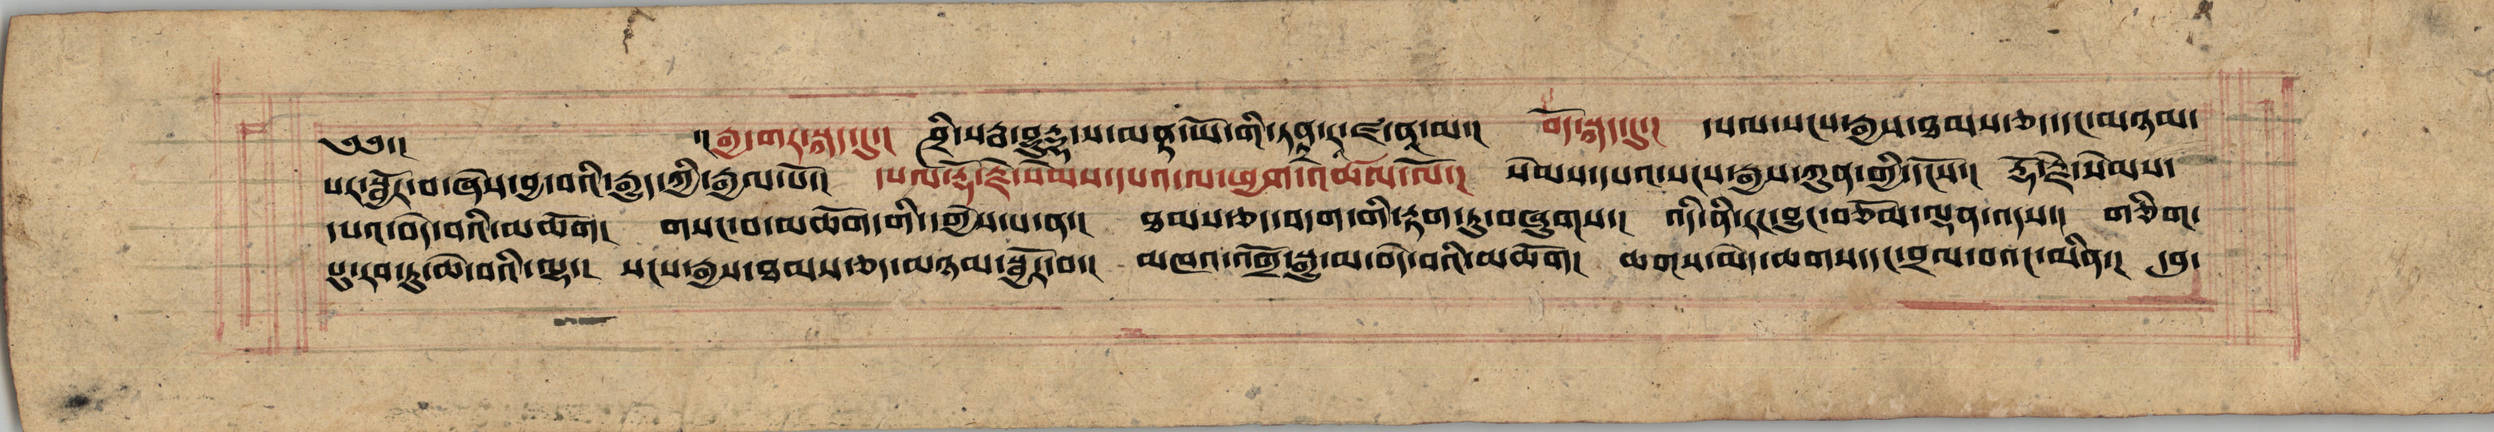༄༅་། ་།རྒྱ་གར་སྐད་དུ་། ཤྲི་སརྦ་བྷུདྡྷ་ས་མནྟ་ཡོ་གི་ཏནྟ་ར་ཛ་ནཱ་མ་། བོད་སྐད་དུ་། དཔལ་སངས་རྒྱས་ཐམས་ཅད་དང་མཉམ་
པར་སྦྱོར་བ་ཞེས་བྱ་བའི་རྒྱུད་ཀྱི་རྒྱལ་པོ་། དཔལ་རྡོ་རྗེ་སེམས་དཔའ་ལ་ཕྱག་འཚལ་ལོ་། སེམས་དཔའ་སངས་རྒྱས་ཀུན་གྱི་དངོས་། རྡོ་རྗེ་སེམས་
དཔའ་བདེ་བའི་མཆོག། གསང་བ་མཆོག་གི་དགྱེས་པ་ནས་། ཐམས་ཅད་བདག་གི་རྟག་ཏུ་བཞུགས་། འདི་ནི་རང་བྱུང་བཅོམ་ལྡན་འདས་། གཅིག་
པུ་རབ་ཏུ་ཆེ་བའི་ལྷ་། སངས་རྒྱས་ཐམས་ཅད་མཉམ་སྦྱོར་བ་། མཁའ་འགྲོ་སྒྱུ་མ་བདེ་བའི་མཆོག། ཆགས་མེད་ཆགས་དང་བྲལ་བའང་མིན་། དབུ་